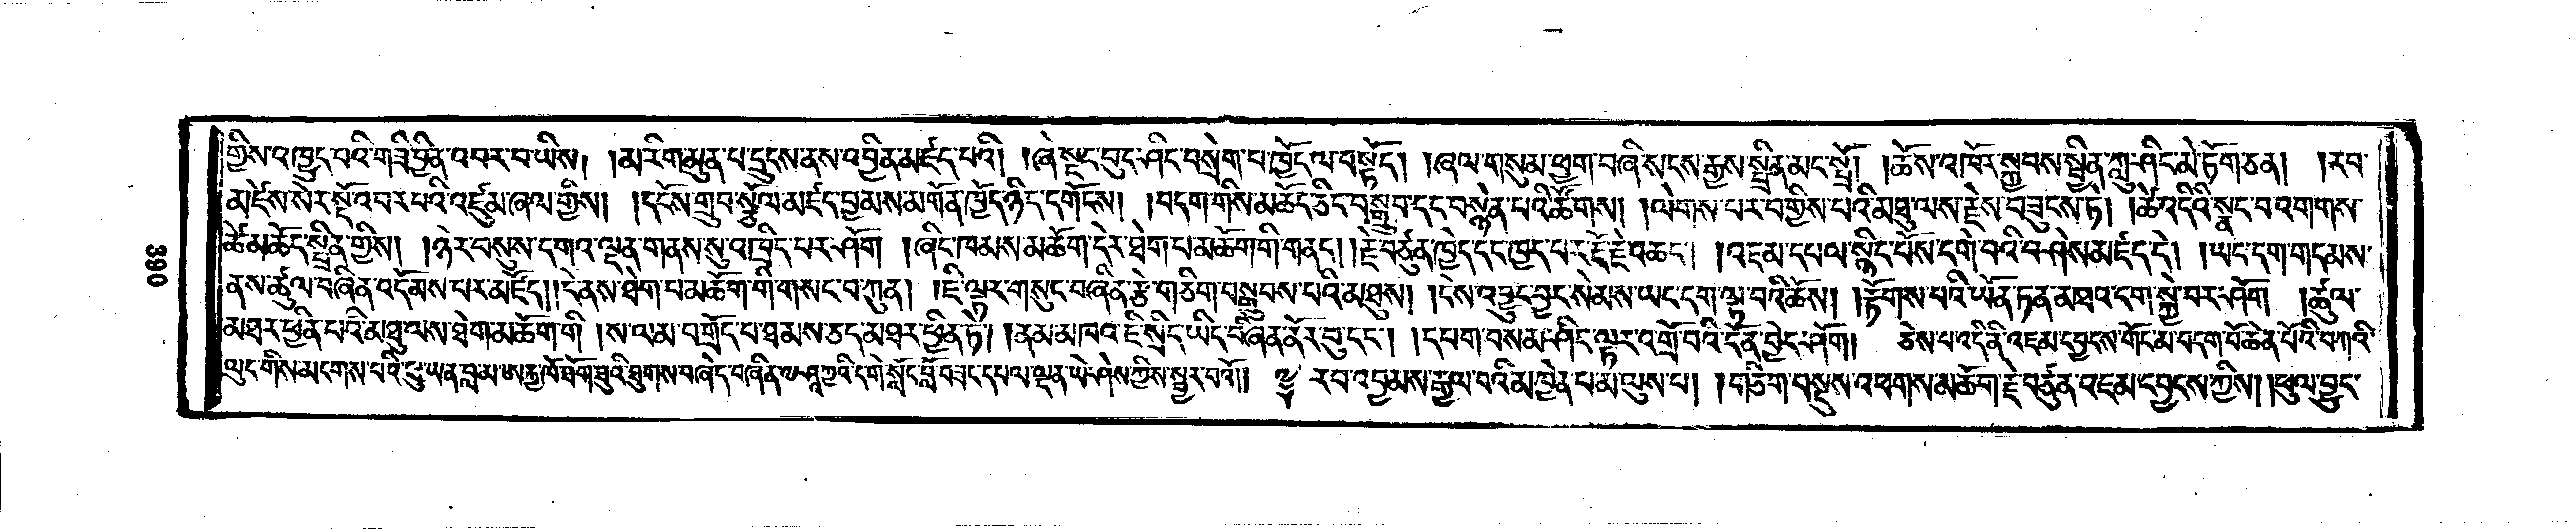གྱིས་འཁྱུད་བའི་གཟི་བྱིན་འབར་བ་ཡིས། །མ་རིག་མུན་པ་དྲུངས་ནས་འབྱིན་མཛད་པའི། །ཞེ་སྡང་བུང་ཤིང་བསྲེག་པ་ཁྱོད་ལ་བསྟོད། །ཞལ་གསུམ་ཕྱག་བཞི་སངས་རྒྱས་སྤྲིན་མང་སྤྲོ། །ཆོས་འཁོར་སྐྱབས་སྦྱིན་ཀླུ་ཤིང་མེ་ཏོག་ཅན། །རབ་
མཛེས་སེར་སྡོ་འབར་པའི་འཛུམ་ཞལ་གྱིས། །དངོས་གྲུབ་སྩོལ་མཛད་བྱམས་མགོན་ཁྱོད་ཉིད་དགོངས། །བདག་གིས་མཆོད་ཅིང་བསྒྲུབ་དང་བསྙེན་པའི་ཚོགས། །ལེགས་པར་བགྱིས་པའི་མཐུ་ལས་རྗེས་བཟུངས་ཏེ། །ཚེ་འདིའི་སྣང་བ་འགགས་
ཚེ་མཆོད་སྤྲིན་གྱིས། །ཉེར་བསུས་དགའ་ལྡན་གནས་སུ་འཁྲིད་པར་ཤོག །ཞིང་ཁམས་མཆོག་དེར་ཐེག་པ་མཆོག་གི་གནང་། །རྗེ་བཙུན་ཁྱེད་དང་ཁྱད་པར་རྡོ་རྗེ་འཆང་། །འཇམ་དཔལ་སྙིང་པོས་དགེ་བའི་བཤེས་མཛད་དེ། །ཡང་དག་གདམས་
ནས་ཚུལ་བཞིན་འདོམས་པར་མཛོད། །དེ་ནས་ཐེག་པ་མཆོག་གི་གསང་བ་ཀུན། །ཇི་ལྟར་གསུང་བཞིན་རྩེ་གཅིག་བསྒྲུབས་པའི་མཐུས། །དཔག་བསམ་ཤིང་ལྟར་འགྲོ་བའི་དོན་བྱེད་ཤོག། ཅེས་པ་འདི་ནི་འཇམ་དབྱངས་གོང་མ་བདག་པོ་ཆེན་པོའི་བཀའི་
མཐར་ཕྱིན་པའི་མཐུ་ལས་ཐེག་མཆོག་གི །ས་ལམ་བགྲོད་པ་ཐམས་ཅད་མཐར་ཕྱིན་ཏེ། །ནམ་མཁའ་ཇི་སྲིད་ཡིད་བཞིན་ནོར་བུ་དང་། །དཔག་བསམ་ཤིང་ལྟར་འགྲོ་བའི་དོན་བྱེད་ཤོག། ཅེས་པ་འདི་ནི་འཇམ་དབྱངས་གོང་མ་བདག་པོ་ཆེན་པོའི་བཀའི་
ལུང་གིས་མངགས་པའི་ཕུ་ཡན་བླ་མ་ཨ་རྐྱ་ཁོ་ཐོག་ཐུའི་ཐུགས་བཞེད་བཞིན་༧་ཤཱཀྱའི་དགེ་སློང་བློ་བཟང་དཔལ་ལྡན་ཡེ་ཤེས་ཀྱིས་སྦྱར་བའོ།། ༈ རབ་འབྱམས་རྒྱལ་བའི་མཁྱེན་པ་མ་ལུས་པ། །གཅིག་བསྡུས་འཕགས་མཆོག་རྗེ་བཙུན་འཇམ་དབྱངས་ཀྱིས། །ཕུལ་བྱུང་